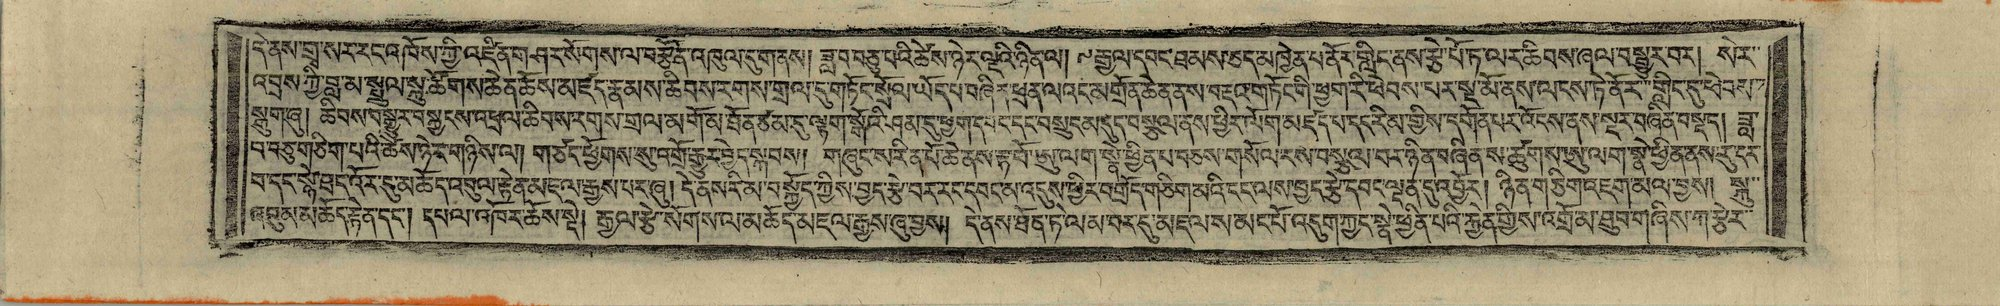དེ་ནས་གྲྭ་སར་རང་འཁོས་ཀྱི་འཛིན་གཤར་སོགས་ལ་བརྩོན་འཁུལ་དུ་གནས། ཟླ་བ་བཅུ་པའི་ཚེས་ཉེར་ལྔའི་ཉིན་ལ། ༧་རྒྱལ་དབང་ཐམས་ཅད་མཁྱེན་པ་ནོར་གླིང་ནས་རྩེ་པོ་ཏ་ལར་ཆིབས་ཞལ་བསྒྱུར་བར། སེར་
འབྲས་ཀྱི་བླ་མ་སྤྲུལ་སྐུ་ཚོགས་ཆེན་ཆོས་མཛད་རྣམས་ཆིབས་རགས་གྲལ་དུ་གཏོང་སྲོལ་ཡོད་པ་བཞིན་ཕྲན་ལའང་མགྲོན་ཆེན་ནས་བྗའ་གཏོང་གི་ཕྱག་རི་ཕེབས་པར་སྔ་མོ་ནས་ལངས་ཏེ་ནོར་གླིང་དུ་ཕེབས་
སྒུག་ཞུ། ཆིབས་བསྒྱུར་བསྐྱངས་འཕྲལ་ཆིབས་རགས་གྲལ་མགོ་མ་ཐོན་ཙམ་དུ་ལྟག་སྒོའི་ཤམ་དུ་ཕྱག་དབང་དང་བསྲུང་མདུད་བསྩལ་ནས་ཕྱིར་ལོག་མཛད་པ་དང་རིམ་གྱིས་དགོན་པར་འོངས་ནས་སྔར་བཞིན་བསྡད། ཟླ་
བ་བཅུ་གཅིག་པའི་ཚེས་ཉེར་གཉིས་ལ། གཙང་ཕྱོགས་སུ་འགྲོ་རྒྱུར་བྱེད་སྐབས། གཞུང་ས་རིན་པོ་ཆེ་ནས་རྟ་བོ་ཨུ་ལག་སྣེ་ཕྱིན་པ་བཅས་གསོལ་རས་བསྩལ་བར་ཉིན་བཞིན་ས་ཚུགས་ཨུ་ལག་སྣེ་ཕྱིན་ནས་རུ་ངར་
བ་དང་སྙེ་ཐང་འོར་དུ་མཆོད་འབུལ་རྟེན་མཇལ་རྒྱས་པར་ཞུ། དེ་ནས་རིམ་བསྐྱོད་ཀྱིས་བྱང་རྩེ་བར་རང་དབང་མ་འདུས་ཕྱིར་བགྲོད་གཅིག་མའི་ངང་ལས་བྱང་རྩེ་དབང་ལྡན་དུ་འབྱོར། ཉིན་གཅིག་འཇག་མལ་བྱས། སྐུ་
འབུམ་མཆོད་རྟེན་དང་། དཔལ་འཁོར་ཆོས་སྡེ། རྒྱལ་རྩེ་སོགས་ལ་མཆོད་མཇལ་རྒྱས་ཞུ་བྱས། དེ་ནས་ཐོན་ཏེ་ལམ་བར་དུ་མཇལ་ས་མང་པོ་འདུག་ཀྱང་སྣེ་ཕྱིན་པའི་རྐྱེན་གྱིས་འགྲོ་མ་ཐུབ་གཞིས་ཀ་རྩེར་